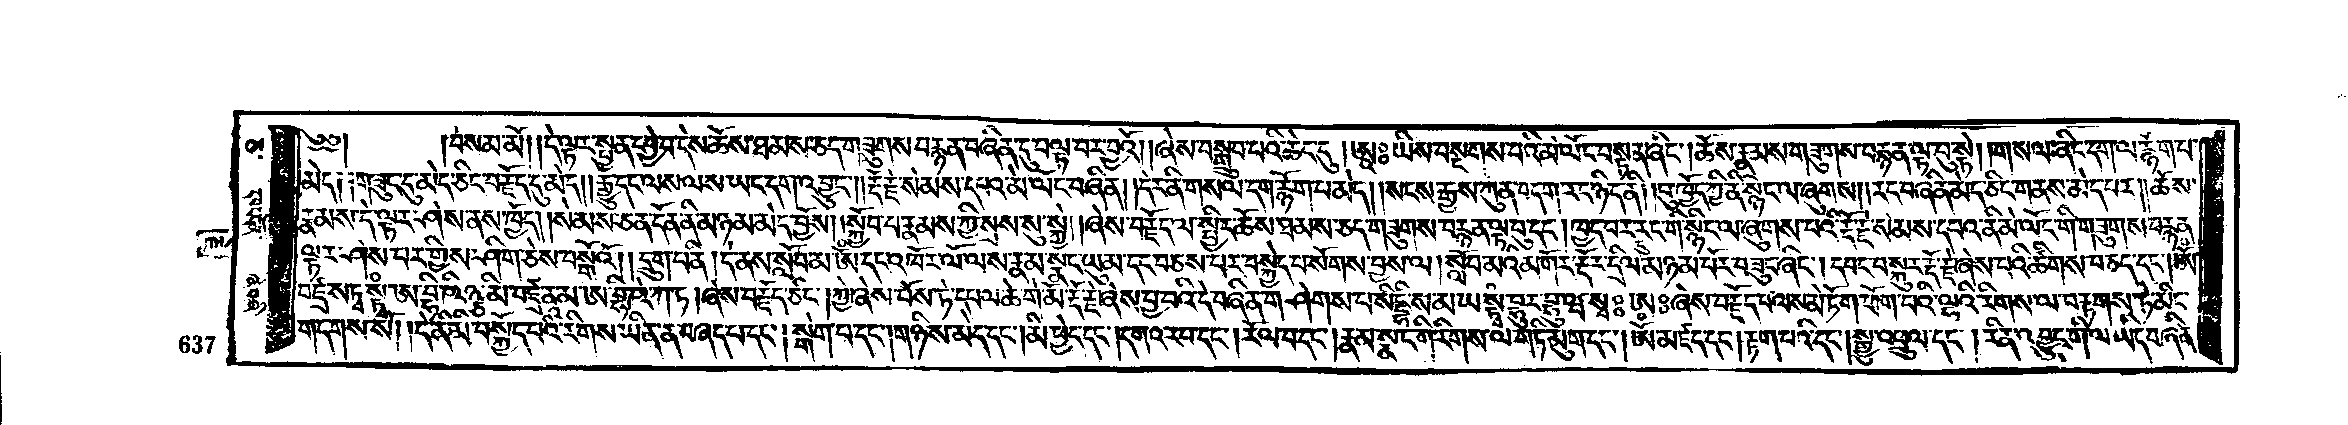༄༅། །བསམ་མོ། །དེ་ལྟར་སྤྱན་དབྱེ་བ་དེས་ཆོས་ཐམས་ཅད་གཟུགས་བརྙན་བཞིན་དུ་བལྟ་བར་བྱའོ། །ཞེས་བསྒྲུབ་པའི་ཆེད་དུ། ཨཱཿ ཡིས་བསྔགས་པའི་མེ་ལོང་བསྟན་ཞིང་། ཆོས་རྣམས་གཟུགས་བརྙན་ལྟ་བུ་སྟེ། །གསལ་ཞིང་དག་ལ་རྙོག་པ་
མེད། །གཟུང་དུ་མེད་ཅིང་བརྗོད་དུ་མེད། །རྒྱུ་དང་ལས་ལས་ཡང་དག་འབྱུང་། །རྡོ་རྗེ་སེམས་དཔའ་མེ་ལོང་བཞིན། །དེར་ནི་གསལ་དག་རྙོག་པ་མེད། །སངས་རྒྱས་ཀུན་བདག་རང་ཉིད་ནི། །བུ་ཁྱོད་ཀྱི་ནི་སྙིང་ལ་ཞུགས། །རང་བཞིན་མེད་ཅིང་གནས་མེད་པར། །ཆོས་
རྣམས་དེ་ལྟར་ཤེས་ནས་ཁྱོད། །སེམས་ཅན་དོན་ནི་མཉམ་མེད་བྱོས། །སྐྱོབ་པ་རྣམས་ཀྱི་སྲས་སུ་སྐྱེ། །ཞེས་བརྗོད་ལ་སྤྱིར་ཆོས་ཐམས་ཅད་གཟུགས་བརྙན་ལྟ་བུ་དང་། ཁྱད་པར་རང་གི་སྙིང་ལ་ཞུགས་པའི་རྡོ་རྗེ་སེམས་དཔའ་ནི་མེ་ལོང་གི་གཟུགས་བརྙན་
ལྟར་ཤེས་པར་གྱིས་ཤིག་ཅེས་བསྒོའོ། །དྲུག་པ་ནི། དེ་ནས་སློབ་མ་ཨོཾ་དང་འཁོར་ལོ་ལས་རྣམ་སྣང་ཡུམ་དང་བཅས་པར་བསྐྱེད་པ་སོགས་བྱས་ལ། སློབ་མའི་མགོར་རྡོར་དྲིལ་མཉམ་པོར་བཟུང་ཞིང་། དབང་བསྐུར་རྡོ་རྗེ་ཞེས་པའི་ཚིགས་བཅད་དང་། ཨོཾ་
བཛྲ་སཏྭ་སྟྭཾ་ཨ་བྷི་ཥིཉྩ་མི་བཛྲ་ནཱ་མ་ཨ་བྷི་ཥེ་ཀ་ཏ། ཞེས་བརྗོད་ཅིང་། ཀྱེ་ཞེས་པོས་ཏེ་དཔལ་ཆེ་གེ་མོ་རྡོ་རྗེ་ཞེས་བྱ་བའི་དེ་བཞིན་གཤེགས་པ་སིདྡྷི་ས་མ་ཡ་སྟྭཾ་བྷུར་བྷུ་ཝ་སྭཿ ཨཿ ཞེས་བརྗོད་པ་ལས་མེ་ཏོག་ཕོག་པའི་ལྷའི་རིགས་ལ་བརྟགས་ཏེ་མིང་
གདགས་སོ། །དེ་ནི་མི་བསྐྱོད་པའི་རིགས་ཡིན་ན་བཞེད་པ་དང་། སྒེག་པ་དང་། གཉིས་མེད་དང་། མི་ཕྱེད་དང་། དགའ་རབ་དང་། རོལ་བ་དང་། རྣམ་སྣང་གི་རིགས་ལ་གི་མུག་དང་། ཨོཾ་མཛད་དང་། རྟག་པའི་དང་། སྒྱུ་འཕྲུལ་དང་། རིན་འབྱུང་གི་ལ་ཡིད་བཞིན་